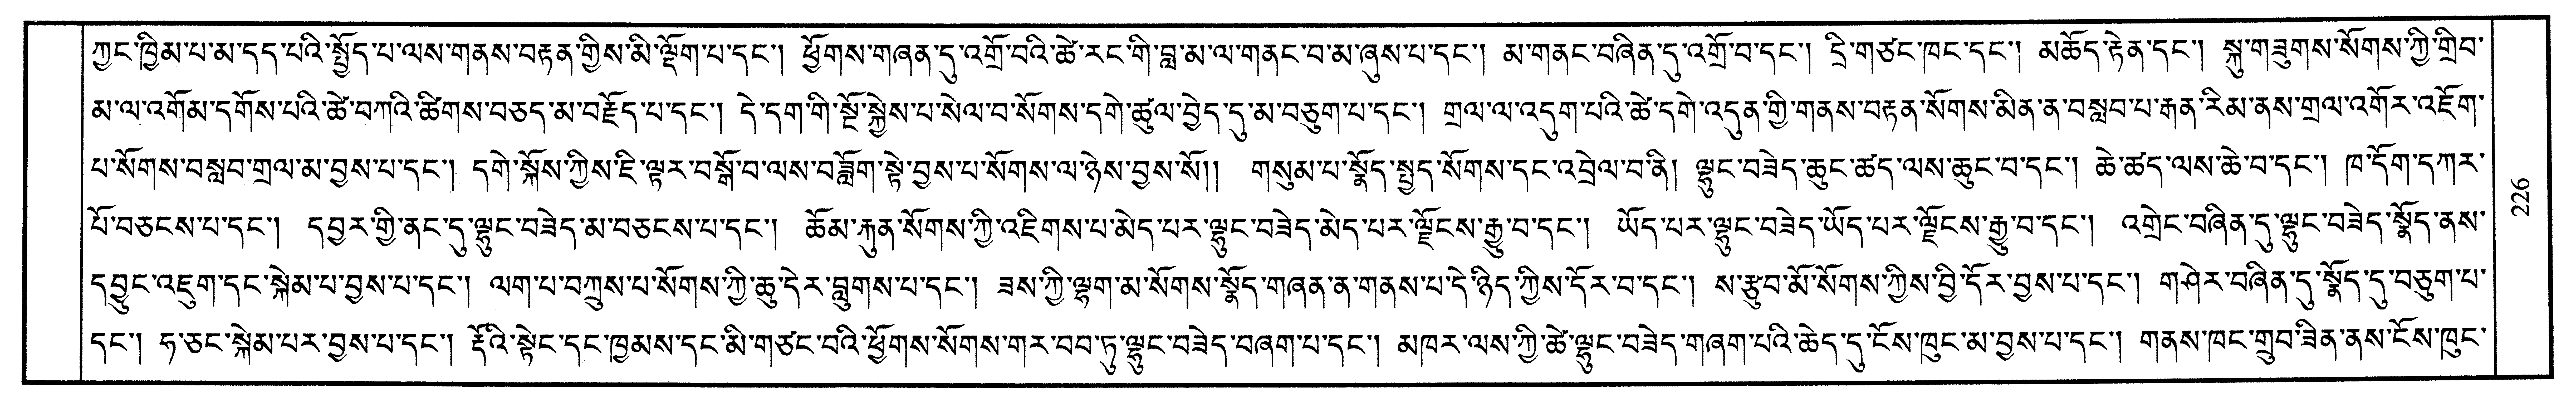ཀྱང་ཁྱིམ་པ་མ་དད་པའི་སྤྱོད་པ་ལས་གནས་བརྟན་གྱིས་མི་ལྡོག་པ་དང་། ཕྱོགས་གཞན་དུ་འགྲོ་བའི་ཚེ་རང་གི་བླ་མ་ལ་གནང་བ་མ་ཞུས་པ་དང་། མ་གནང་བཞིན་དུ་འགྲོ་བ་དང་། དྲི་གཙང་ཁང་དང་། མཆོད་རྟེན་དང་། སྐུ་གཟུགས་སོགས་ཀྱི་གྲིབ་
མ་ལ་འགོམ་དགོས་པའི་ཚེ་བཀའི་ཚིགས་བཅད་མ་བརྗོད་པ་དང་། དེ་དག་གི་སྔོ་སྐྱེས་པ་སེལ་བ་སོགས་དགེ་ཚུལ་བྱེད་དུ་མ་བཅུག་པ་དང་། གྲལ་ལ་འདུག་པའི་ཚེ་དགེ་འདུན་གྱི་གནས་བརྟན་སོགས་མིན་ན་བསླབ་པ་རྒན་རིམ་ནས་གྲལ་འགོར་འཇོག་
པ་སོགས་བསླབ་གྲལ་མ་བྱས་པ་དང་། དགེ་སྐོས་ཀྱིས་ཇི་ལྟར་བསྒོ་བ་ལས་བཟློག་སྟེ་བྱས་པ་སོགས་ལ་ཉེས་བྱས་སོ།། གསུམ་པ་སྣོད་སྤྱད་སོགས་དང་འབྲེལ་བ་ནི། ལྷུང་བཟེད་ཆུང་ཚད་ལས་ཆུང་བ་དང་། ཆེ་ཚད་ལས་ཆེ་བ་དང་། ཁ་དོག་དཀར་
པོ་བཅངས་པ་དང་། དབྱར་གྱི་ནང་དུ་ལྷུང་བཟེད་མ་བཅངས་པ་དང་། ཆོམ་རྐུན་སོགས་ཀྱི་འཇིགས་པ་མེད་པར་ལྷུང་བཟེད་མེད་པར་ལྗོངས་རྒྱུ་བ་དང་། ཡོད་པར་ལྷུང་བཟེད་ཡོད་པར་ལྗོངས་རྒྱུ་བ་དང་། འགྲེང་བཞིན་དུ་ལྷུང་བཟེད་སྣོད་ནས་
དབྱུང་འཇུག་དང་སྐེམ་པ་བྱས་པ་དང་། ལག་པ་བཀྲུས་པ་སོགས་ཀྱི་ཆུ་དེར་བླུགས་པ་དང་། ཟས་ཀྱི་ལྷག་མ་སོགས་སྣོད་གཞན་ན་གནས་པ་དེ་ཉིད་ཀྱིས་དོར་བ་དང་། ས་རྩུབ་མོ་སོགས་ཀྱིས་བྱི་དོར་བྱས་པ་དང་། གཤེར་བཞིན་དུ་སྣོད་དུ་བཅུག་པ་
དང་། ཧ་ཅང་སྐེམ་པར་བྱས་པ་དང་། རྡོའི་སྟེང་དང་ཁྱམས་དང་མི་གཙང་བའི་ཕྱོགས་སོགས་གར་བབ་ཏུ་ལྷུང་བཟེད་བཞག་པ་དང་། མཁར་ལས་ཀྱི་ཚེ་ལྷུང་བཟེད་གཞག་པའི་ཆེད་དུ་ངོས་ཁུང་མ་བྱས་པ་དང་། གནས་ཁང་གྲུབ་ཟིན་ནས་ངོས་ཁུང་